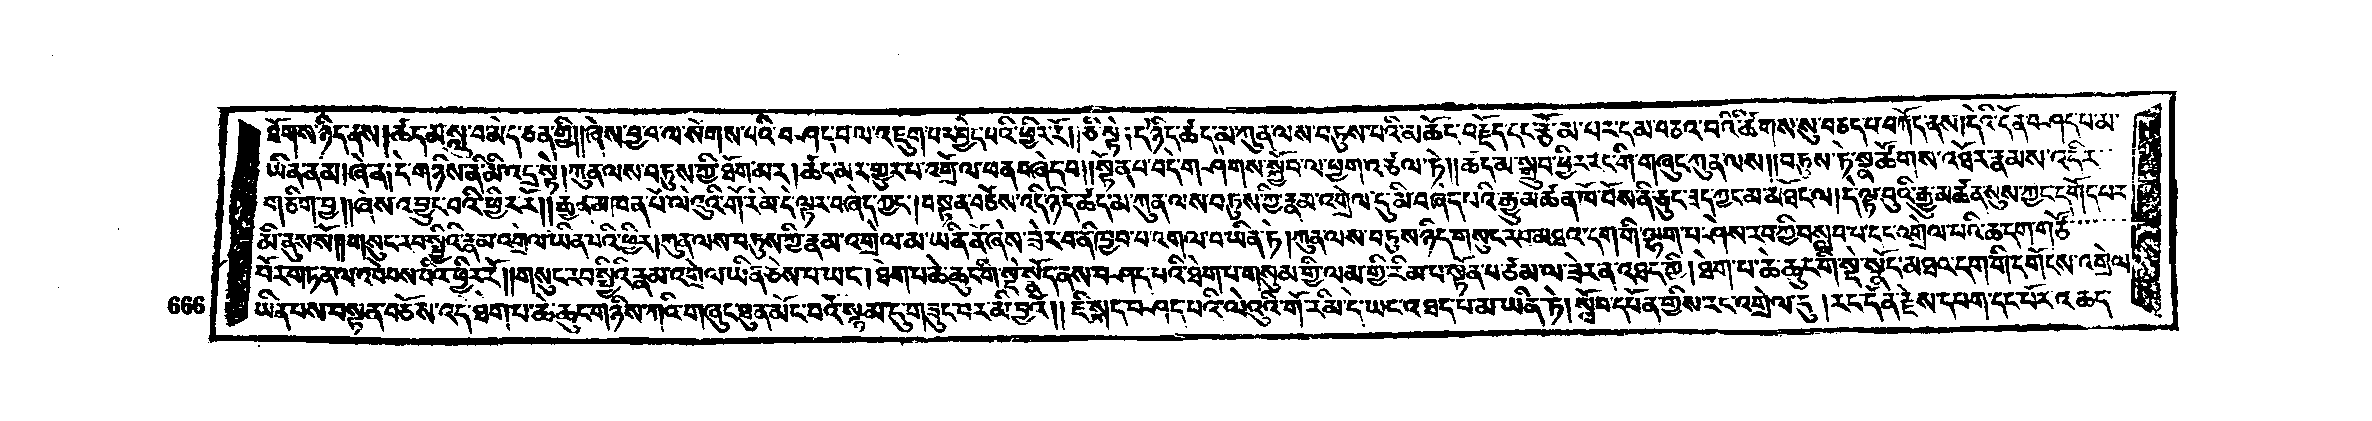ཐོགས་ཉིད་ནས། ཚད་མ་སླུ་བ་མེད་ཅན་གྱི། །ཞེས་བྱ་བ་ལ་སོགས་པའི་བཤད་པ་ལ་འཇུག་པར་བྱེད་པའི་ཕྱིར་རོ། །ཅི་སྟེ། དེ་ཉིད་ཚད་མ་ཀུན་ལས་བཏུས་པའི་མཆོད་བརྗོད་དང་རྩོམ་པར་དམ་བཅའ་བའི་ཚིགས་སུ་བཅད་པ་བཀོད་ནས། དེའི་དོན་བཤད་པ་མ་
ཡིན་ནམ། ཞེ་ན། དེ་གཉིས་ནི་མི་འདྲ་སྟེ། ཀུན་ལས་བཏུས་ཀྱི་ཐོག་མར། ཚད་མར་གྱུར་པ་འགྲོ་ལ་ཕན་བཞེད་པ། །སྟོན་པ་བདེ་ལས་བཏུས་ཀྱི་རྣམ་འགྲེལ་མ་ཡིན་ནོ་ཞེས་ཟེར་བ་ནི་ཁྱབ་པ་འགལ་བ་ཀུན་ལས། །བཏུས་ཏེ་སྣ་ཚོགས་འཐོར་རྣམས་འདིར་
གཅིག་བྱ། །ཞེས་འབྱུང་བའི་ཕྱིར་རོ། །རྒྱན་མཁན་པོ་ལེའུའི་གོ་རིམ་དེ་ལྟར་བཞེད་ཀྱང་། བསྟན་བཅོས་འདི་ཉིད་ཚད་མ་ཀུན་ལས་བཏུས་ཀྱི་རྣམ་འགྲེལ་དུ་མི་བཞེད་པའི་རྒྱུ་མཚན་ཁོ་བོས་ནི་ཅུང་ཟད་ཀྱང་མ་མཐོང་ལ། དེ་ལྟ་བུའི་རྒྱུ་མཚན་སུས་ཀྱང་དགོད་པར་
མི་ནུས་སོ། །གསུང་རབ་སྤྱིའི་རྣམ་འགྲེལ་ཡིན་པའི་ཕྱིར། ཀུན་ལས་བཏུས་ཀྱི་རྣམ་འགྲེལ་མ་ཡིན་ནོ་ཞེས་ཟེར་བ་ནི་ཁྱབ་པ་འགལ་བ་ཡིན་ཏེ། ཀུན་ལས་བཏུས་ཉིད་གསུང་རབ་མཐའ་དག་གི་ལྷག་པ་ཤེས་རབ་ཀྱི་བསླབ་པ་དང་འགྲེལ་པའི་ཆ་དག་གཙོ་
བོར་གཏན་ལ་འབེབས་པའི་ཕྱིར་རོ། །གསུང་རབ་སྤྱིའི་རྣམ་འགྲེལ་ཡིན་ཅེས་པ་ཡང་། ཐེག་པ་ཆེ་ཆུང་གི་སྡེ་སྣོད་ནས་བཤད་པའི་ཐེག་པ་གསུམ་གྱི་ལམ་གྱི་རིམ་པ་སྟོན་པ་ཙམ་ལ་ཟེར་ན་འཐད་ཀྱི། ཐེག་པ་ཆེ་ཆུང་གི་སྡེ་སྣོད་མཐའ་དག་གི་དགོངས་འགྲེལ་
ཡིན་པས་བསྟན་བཅོས་འདི་ཐེག་པ་ཆེ་ཆུང་གཉིས་ཀའི་གཞུང་ཐུན་མོང་བའོ་སྙམ་དུ་གཟུང་བར་མི་བྱའོ། །ཇི་སྐད་བཤད་པའི་ལེའུའི་གོ་རིམ་དེ་ཡང་འཐད་པ་མ་ཡིན་ཏེ། སློབ་དཔོན་གྱིས་རང་འགྲེལ་དུ། རང་དོན་རྗེས་དཔག་དང་པོར་འཆད་